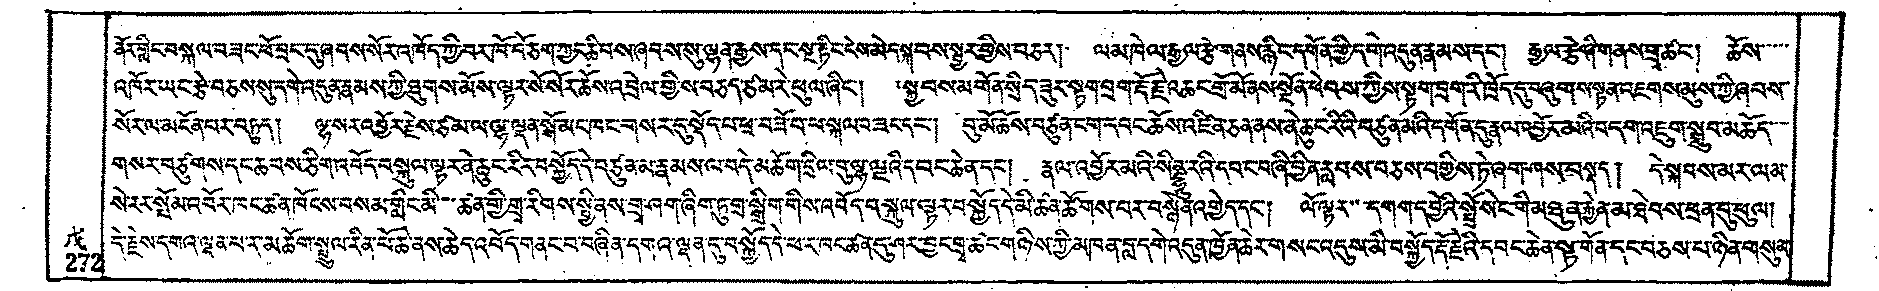ནོར་གླིང་བསྐལ་བཟང་ཕོ་བྲང་དུ་ཞབས་སོར་འཁོད་ཀྱི་བར་ཁོ་བོ་ཅག་ཀྱང་ཆིབས་ཞབས་སུ་ལྷན་རྒྱས་དང་སྔ་རྟིང་ངེས་མེད་སྐབས་སྦྱར་གྱིས་བཅར། ལམ་ཁེལ་རྒྱལ་རྩེ་གནས་རྙིང་དགོན་གྱི་དགེ་འདུན་རྣམས་དང་། རྒྱལ་རྩེ་ཞི་གནས་གྲྭ་ཚང་། ཆོས་
འཁོར་ཡང་རྩེ་བཅས་སུ་དགེ་འདུན་རྣམས་ཀྱི་ཐུགས་མོས་ལྟར་སོ་སོར་ཆོས་འབྲེལ་གྱི་ས་བཅད་ཙམ་རེ་ཕུལ་ཞིང་། ༧སྐྱབས་མགོན་སྲིད་ཟུར་སྟག་བྲག་རྡོ་རྗེ་འཆང་གྲོ་མོ་ནས་སྔོན་ཕེབས་ཀྱིས་སྟག་བྲག་རི་ཁྲོད་དུ་བཞུགས་སྟན་འཇགས་མུས་ཀྱི་ཞབས་
སོར་ལ་མངོན་པར་བཏུད། ལྷ་སར་འབྱོར་རྗེས་ཙམ་ལ་ལྷ་ལྡན་སྒོ་མང་ཁང་གསར་དུ་སྡོད་པ་ཕྲ་བཟོ་བ་ཕ་སྐལ་བཟང་དང་། བུ་མོ་ཆོས་བཙུན་ངག་དབང་ཆོས་འཛིན་ཅན་ནས་ནེ་ཆུང་རིའི་བཙུན་མའི་དགོན་དུ་རྣལ་འབྱོར་མའི་བདག་འཇུག་སྒྲུབ་མཆོད་
གསར་བཙུགས་དང་ཆབས་ཅིག་འབོད་བསྐུལ་ལྟར་ནེ་ཆུང་རིར་བསྐྱོད་དེ་བཙུན་མ་རྣམས་ལ་བདེ་མཆོག་དྲིལ་བུ་ལྷ་ལྔའི་དབང་ཆེན་དང་། རྣལ་འབྱོར་མའི་སིནྡྷཱུ་རའི་དབང་བཞི་བྱིན་རླབས་བཅས་བགྱིས་ཏེ་ཞག་ཤས་བསྡད། དེ་སྐབས་མར་ལམ་
སེ་རར་སྤོམ་འབོར་ཁང་ཚན་ཁོངས་བསམ་གླིང་མི་ཚན་གྱི་གྲྭ་རིགས་སྤྱི་ནས་གྲྭ་ཤག་ཞིག་ཏུ་གྲ་སྒྲིག་གིས་འབོད་བསྐུལ་ལྟར་བསྐྱོད་དེ་མི་ཚན་ཚོགས་པར་བསྙེན་འགྱེད་དང་། ལོ་ལྟར་དགག་དབྱེའི་སྤྲོ་སེང་གི་མཐུན་རྐྱེན་མ་ཐེབས་ཕྲན་བུ་ཕུལ།
དེ་རྗེས་དགའ་ལྡན་ཕ་ར་མཆོག་སྤྲུལ་རིན་པོ་ཆེ་ནས་ཆེད་འབོད་གནང་བ་བཞིན་དགའ་ལྡན་དུ་བསྐྱོད་དེ་ཕ་ར་ཁང་ཚན་དུ་ཤར་བྱང་གྲྭ་ཚང་གཉིས་ཀྱི་མཁན་བླ་དགེ་འདུན་ཁྱོན་ཆེར་གསང་འདུས་མི་བསྐྱོད་རྡོ་རྗེའི་དབང་ཆེན་སྟ་གོན་དང་བཅས་པ་ཉིན་གསུམ་